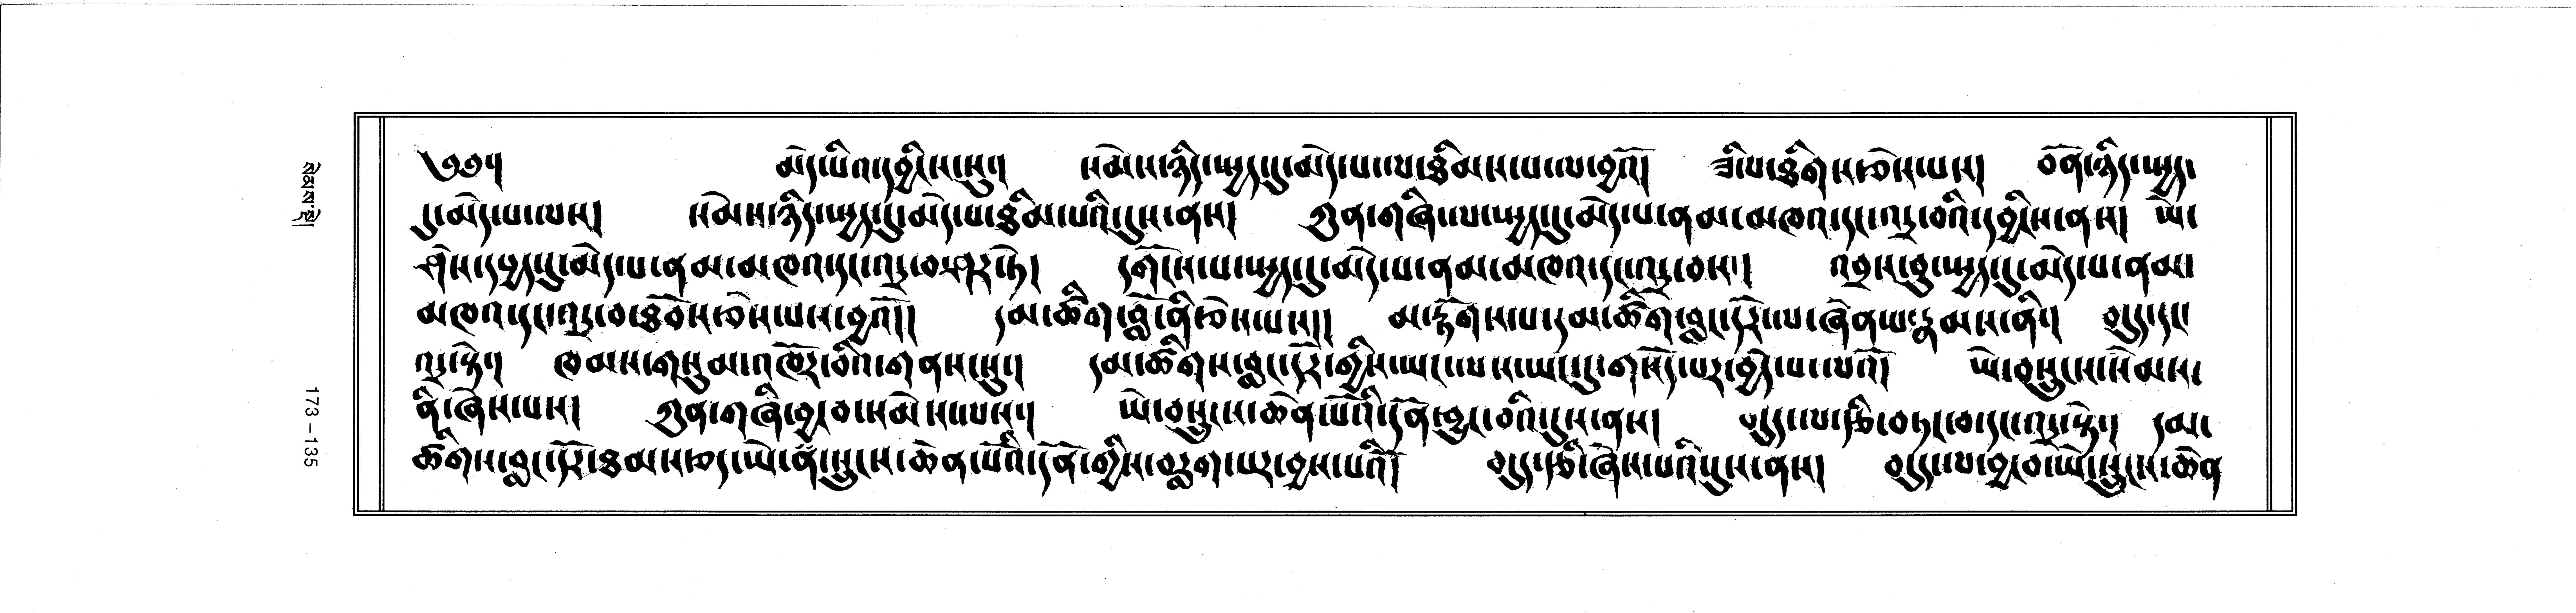མེད་པའི་དབྱིངས་སུ། སེམས་ཉིད་སྤྱད་དུ་མེད་པ་ཐིམ་པ་ལ་བྱའོ། །ཟིལ་ཐིགས་ཅེས་པས། བོན་ཉིད་སྤྱད་
དུ་མེད་པ་ལས་སེམས་ཉིད་སྤྱད་དུ་མེད་པ་ཐིམ་པའི་དུས་ན། ཀུན་གཞི་ལ་སྤྱད་དུ་མེད་པ་ནམ་མཁའ་དང་འདྲ་བའི་དབྱིངས་ནས། ཡེ་
ཤེས་སྤྱད་དུ་མེད་པ་ནམ་མཁའ་དང་འདྲ་བ་ཤར་ཏེ། དགོངས་པ་སྤྱད་དུ་མེད་པ་ནམ་མཁའ་དང་འདྲ་བ་ཤར་ཏེ། འབྲས་བུ་སྤྱད་དུ་མེད་པ་ནམ་
མཁའ་དང་འདྲ་བ་ཐོབ་ཅེས་བྱའོ། །དམ་ཚིག་བློ་ནི་ཅེས་པས། མ་རྟོགས་པ་དམ་ཚིག་བླང་དོར་ལ་ཞེན་པ་རྣམས་ནི། བདུད་དང་
འདྲ་སྟེ། ཁམས་གསུམ་འཁོར་བའི་གནས་སུ། དམ་ཚིག་བླང་དོར་གྱིས་ཡང་ནས་ཡང་དུ་གསོད་པར་བྱེད་པ་ལའོ། །ཡེ་བསྲུངས་སེམས་
ནི་ཞེས་པས། ཀུན་གཞི་བྱང་ཆུབ་ཀྱི་སེམས་ལས། ཡེ་བསྲུངས་ཆེན་པོའི་དོན་བྱུང་བའི་དུས་ན། བདུད་ལ་རྩི་བཏང་བ་དང་འདྲ་སྟེ། དམ་
ཚིག་བླང་དོར་ཐམས་ཅད་ཡེ་བསྲུངས་ཆེན་པོའི་དོན་གྱིས་བརླག་པར་བྱས་པའོ། །བདུད་རྩི་ཞེས་པའི་དུས་ནས། བདུད་ལ་བྱང་ཆུབ་ཡེ་བསྲུངས་ཆེན་